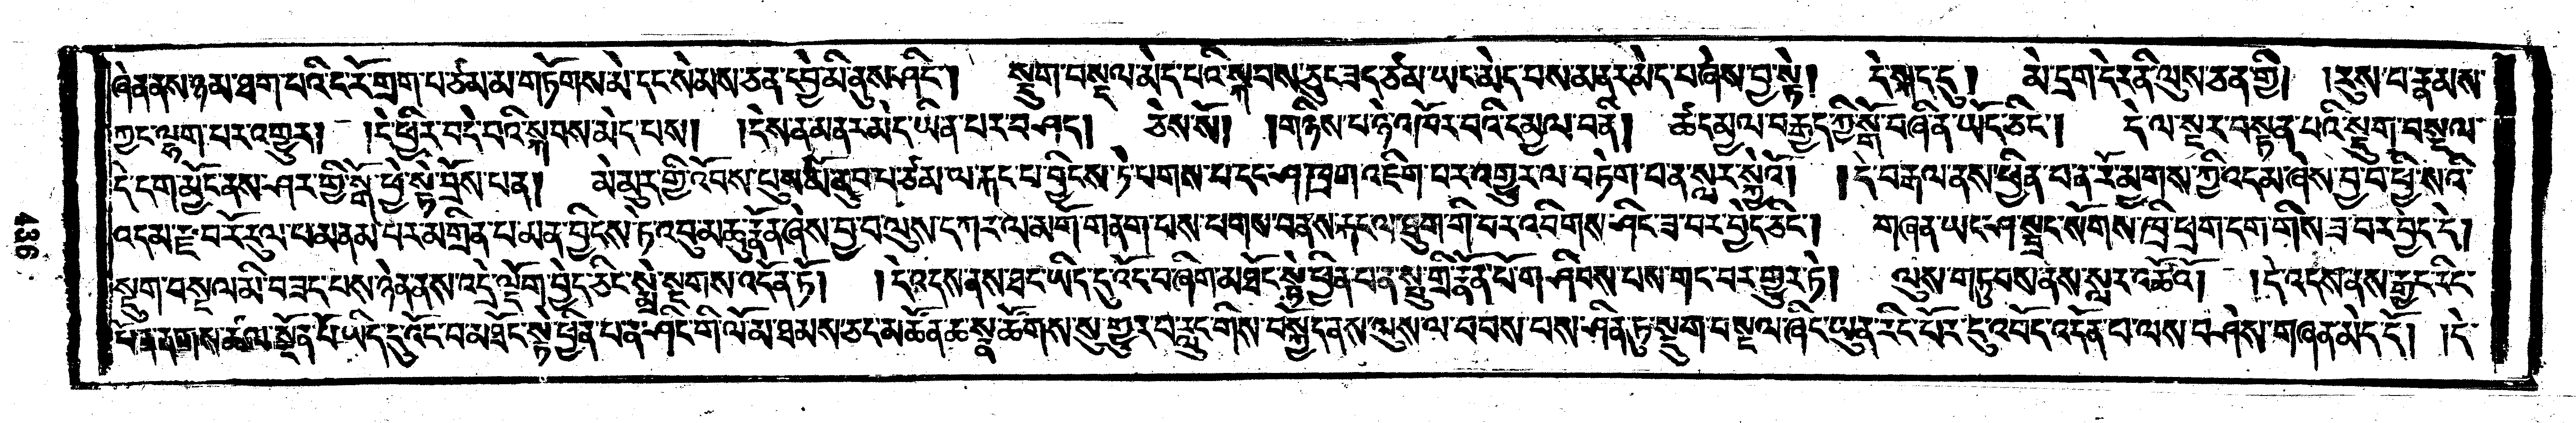ཞེན་ནས་ཉམ་ཐག་པའི་ང་རོ་གྲག་པ་ཙམ་མ་གཏོགས་མེ་དང་སེམས་ཅན་དབྱེ་མི་ནུས་ཤིང་། སྡུག་བསྔལ་མེད་པའི་སྐབས་ཅུང་ཟད་ཙམ་ཡང་མེད་པས་མནར་མེད་པ་ཞེས་བྱ་སྟེ། དེ་སྐད་དུ། མེ་དྲག་དེར་ནི་ལུས་ཅན་གྱི། །རུས་པ་རྣམས་
ཀྱང་ལྷག་པར་འགྱུར། །དེ་ཕྱིར་བདེ་བའི་སྐབས་མེད་པས། །དེས་ན་མནར་མེད་ཡིན་པར་བཤད། ཅེས་སོ། །གཉིས་པ་ཉེ་འཁོར་བའི་དམྱལ་བ་ནི། ཚ་དམྱལ་བརྒྱད་ཀྱི་སྒོ་བཞིན་ཡོད་ཅིང་། དེ་ལ་སྔར་བསྟན་པའི་སྡུག་བསྔལ་
དེ་དག་མྱོང་ནས་ཤར་གྱི་སྒོ་ཕྱེ་སྟེ་བྲོས་པན། མེ་མུར་གྱི་འོབས་པུས་མོ་ནུབ་པ་ཙམ་ལ་རྐང་པ་བྱིངས་ཏེ་པགས་པ་དང་ཤ་ཁྲག་འཇིག་པར་འགྱུར་ལ་བཏེག་པ་ན་སླར་སྐྱེའོ། །དེ་བརྒལ་ནས་ཕྱིན་པ་ན་རོ་མྱགས་ཀྱི་འདམ་ཞེས་བྱ་བ་ཕྱི་སའི་
འདམ་རྫ་བ་རོ་རུལ་པ་མནམ་པར་མགྲིན་པ་མན་བྱིངས་ཏེ་འབུ་མཆུ་རྣོན་ཞེས་བྱ་བ་ལུས་དཀར་ལ་མགོ་གནག་པས་པགས་བ་ནས་རྐང་ལ་ཐུག་གི་བར་འབིགས་ཤིང་ཟ་བར་བྱེད་ཅིང་། གཞན་ཡང་ཤ་སྦྲང་སོགས་ཁྲི་ཕྲག་དག་གིས་ཟ་བར་བྱེད་དེ།
སྡུག་བསྔལ་མི་བཟད་པས་ཉེན་ནས་འདྲེ་ལྡོག་བྱེད་ཅིང་སྨྲེ་སྔགས་འདོན་ཏོ། །དེ་འདས་ནས་ཐང་ཡིད་དུ་འོང་བ་ཞིག་མཐོང་སྟེ་ཕྱིན་པ་ན་སྤུ་གྲི་རྣོན་པོ་གཤིབས་པས་གང་བར་གྱུར་ཏེ། ལུས་གཏུབས་ནས་སླར་འཚོའོ། །དེ་འདས་ནས་རྒྱང་རིང་
པོན་རྣགས་ཚལ་སྔོན་པོ་ཡིད་དུ་འོང་བ་མཐོང་སྟེ་ཕྱིན་པ་ན་ཤིང་གི་ལོ་མ་ཐམས་ཅད་མཚོན་ཆ་སྣ་ཚོགས་སུ་གྱུར་བ་རླུང་གིས་བསྐྱོད་ནས་ལུས་ལ་བབས་པས་ཤིན་ཏུ་སྡུག་སྔལ་ཞིང་ཡུན་རིང་པོར་དུ་འབོད་འདོན་བ་ལས་བཤེས་གཞན་མེད་དོ། །དེ་